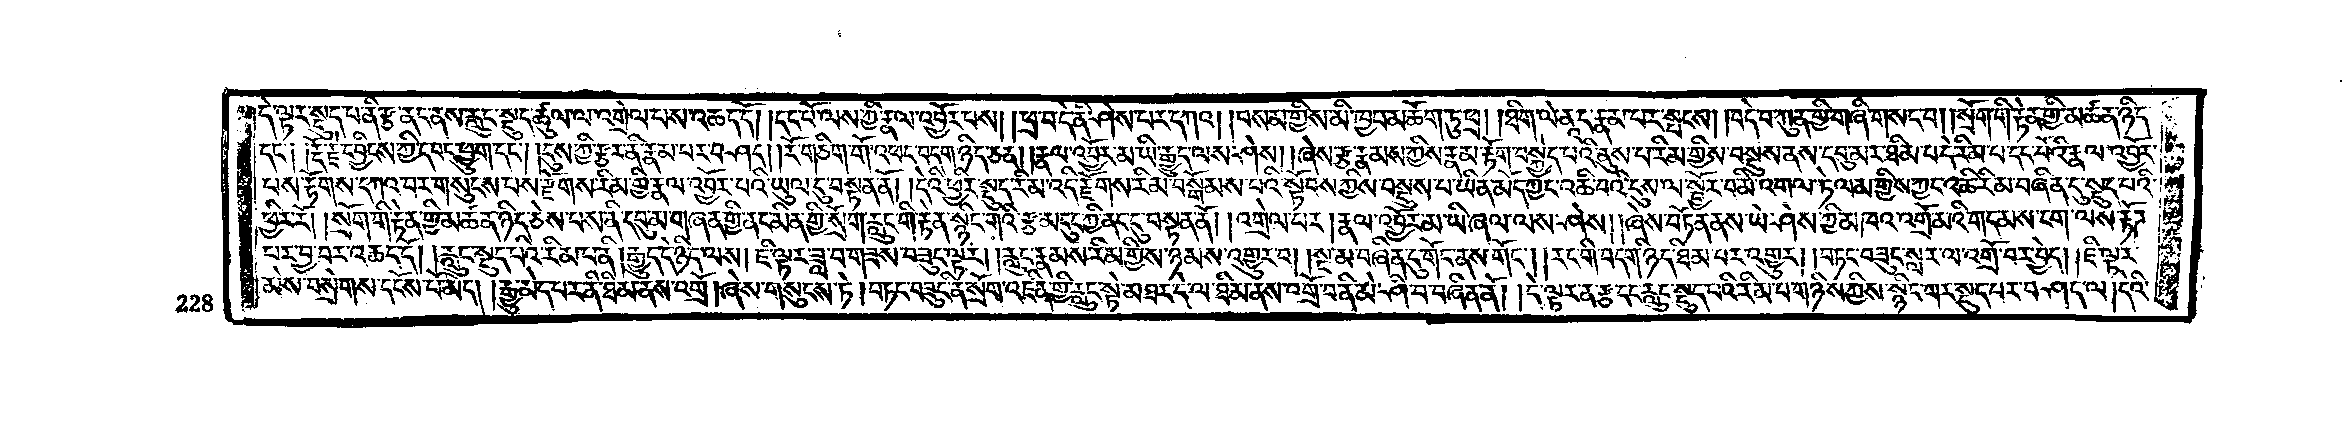དེ་ལྟར་སྡུད་པ་ནི་རྩ་ནང་ནས་རླུང་སྡུད་ཚུལ་ལ་འགྲེལ་པས་འཆད་དོ། །དང་པོ་ལས་ཀྱི་རྣལ་འབྱོར་པས། །ཕྲ་བ་དེ་ནི་ཤེས་པར་དཀའ། །བསམ་གྱིས་མི་ཁྱབ་མཆོག་ཏུ་ཕྲ། །ཐིག་ལེ་ནཱ་ད་རྣམ་པར་སྤངས། །བདེ་བ་ཀུན་གྱི་གཞི་གསང་བ། །སྲོག་གི་རྟེན་གྱི་མཚན་ཉིད་
དང༑ ༑རྡོ་རྗེ་དབྱིངས་ཀྱི་དབང་ཕྱུག་དང་། །དུས་ཀྱི་རྩར་ནི་རྣམ་པར་བཤད། །རོ་གཅིག་གོ་འཕང་བདག་ཉིད་ཅན། །རྣལ་འབྱོར་མ་ཡི་རྒྱུད་ལས་ཤེས། །ཞེས་རྩ་རྣམས་ཀྱིས་རྣམ་རྟོག་བསྐྱེད་པའི་ནུས་པ་རིམ་གྱིས་བསྡུས་ནས་དབུ་མར་ཐིམ་པ་དེ་རིམ་པ་དང་པོའི་རྣལ་འབྱོར་
པས་རྟོགས་དཀའ་བར་གསུངས་པས་རྫོགས་རིམ་གྱི་རྣལ་འབྱོར་བའི་ཡུལ་དུ་བསྟན་ནོ། །དེའི་ཕྱིར་སྡུད་རིམ་འདི་རྫོགས་རིམ་བསྒོམས་པའི་སྟོབས་ཀྱིས་བསྡུས་པ་ཡིན་མོད་ཀྱང་འཆི་བའི་དུས་ལ་སྦྱོར་བ་མི་འགལ་ཏེ་ལམ་གྱིས་ཀྱང་འཆི་རིམ་བཞིན་དུ་སྡུད་པའི་
ཕྱིར་རོ། །སྲོག་གི་རྟེན་གྱི་མཚན་ཉིད་ཅེས་པས་ནི་དབུ་མ་གཞན་གྱི་ནང་མིན་གྱི་སྲོག་རླུང་གི་རྟེན་སྙིང་གའི་རྩ་མདུད་ཀྱི་ནང་དུ་བསྟན་ནོ། །འགྲེལ་པར། རྣལ་འབྱོར་མ་ཡི་ཞལ་ལས་ཤེས། །ཞེས་བཏོན་ནས་ཡེ་ཤེས་ཀྱི་མཁའ་འགྲོ་མའི་གདམས་ངག་ལས་རྟོགས་
པར་བྱ་བར་འཚང་དོ། །རླུང་སྡུད་པའི་རིམ་པ་ནི། རྒྱུད་དེ་ཉིད་ལས། ཇི་ལྟར་ཟླ་བ་གཟས་བཟུང་ལྟར། །རླུང་རྣམས་རིམ་གྱིས་ཉམས་འགྱུར་བ། །སྔ་མ་བཞིན་དུ་གོང་ནས་གོང་། །རང་གི་བདག་ཉིད་ཐིམ་པར་འགྱུར། །བཏང་བཟུང་སླར་ལ་འགྲོ་བར་བྱེད། །ཇི་ལྟར་
མེས་བསྲེགས་དངོས་པོ་མེད། །རྒྱུ་མེད་པར་ནི་ཐིམ་ནས་འགྲོ། ཞེས་གསུངས་ཏེ། བཏང་བཟུང་ནི་སྲོག་འཛིན་གྱི་རླུང་སྟེ་མཐར་དེ་ལ་ཐིམ་ནས་འགྲོ་བ་ནི་མེ་ཤི་བ་བཞིན་ནོ། །དེ་ལྟར་ན་རྩ་དང་རླུང་སྡུད་པའི་རིམ་པ་གཉིས་ཀྱིས་སྙིང་གར་སྡུད་པར་བཤད་ལ། དེའི་